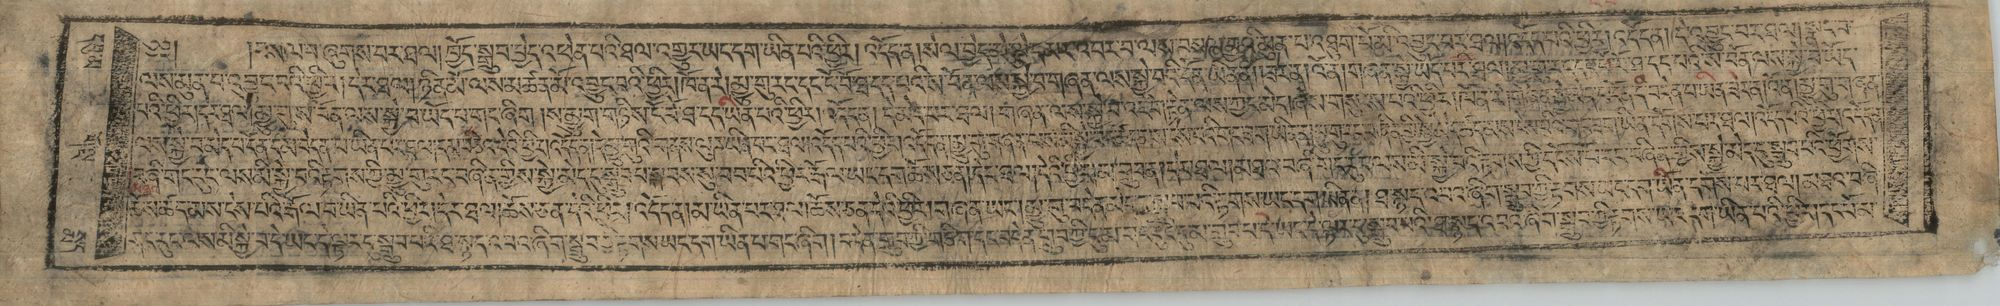༄༅། །བསལ་བ་ཞུགས་པར་ཐལ། ཁྱོད་སྒྲུབ་བྱེད་འཕེན་པའི་ཐལ་འགྱུར་ཡང་དག་ཡིན་པའི་ཕྱིར། འདོད་ན། སེལ་བྱེད་མེ་ལྕེ་དམར་འབར་བ་ལས་བསལ་བྱའི་མུན་པ་འཐུག་པོ་མི་འབྱུང་བར་ཐལ། འདོད་པའི་ཕྱིར། འདོད་ན། དེ་འབྱུང་བར་ཐལ། སྣང་བ་
ལས་མུན་པ་འབྱུང་བའི་ཕྱིར། དེར་ཐལ། ཉིན་མོ་ལས་མཚན་མོ་འབྱུང་བའི་ཕྱིར། ཁོ་ན་རེ། མྱུ་གུ་རང་དང་ངོ་བོ་ཐ་དད་པའི་ས་བོན་ལས་སྐྱེ་བ་གཞན་ལས་སྐྱེ་བའི་དོན་ཡིན་ནོ། །ཟེར་ན། འོ་ན། གཞན་སྐྱེ་ཡོད་པར་ཐལ། མྱུ་གུ་རང་དང་ངོ་བོ་ཐ་དད་པའི་ས་བོན་ལས་སྐྱེ་བ་ཡོད་
པའི་ཕྱིར། དེར་ཐལ། མྱུ་གུ་ས་བོན་ལས་སྐྱེ་བ་ཡོད་པ་གང་ཞིག །ས་མྱུག་གཉིས་ངོ་བོ་ཐ་དད་ཡིན་པའི་ཕྱིར། འདོད་ན། དེ་མེད་པར་ཐལ། གཞན་ལས་སྐྱེ་བ་འཇིག་རྟེན་ལས་ཀྱང་མེད། ཞེས་གསུངས་པའི་ཕྱིར། ཁོ་ན་རེ། གཞན་སྐྱེ་མེད་པ་དོན་དམ་བདེན་པ་ཡིན་ཟེར་ན། འོ་ན། མྱུ་གུ་གཞན་
ལས་སྐྱེ་བ་མེད་པ་དོན་དམ་བདེན་པ་ཡིན་པར་ཐལ། དམ་བཅའ་དེའི་ཕྱིར། འདོད་ན། དེ་མྱུ་གུའི་གནས་ལུགས་ཡིན་པར་ཐལ། འདོད་པའི་ཕྱིར། འདོད་ན། མྱུ་གུ་གཞན་ལས་མི་སྐྱེ་བར་ཚད་མས་ངེས་པའི་གང་ཟག་ཡིན་ན། མྱུ་གུ་རང་བཞིན་གྱི་སྐྱེ་མེད་ཚད་མས་ངེས་པའི་གང་ཟག་ཡིན་དགོས་པར་ཐལ། འདོད་པའི་ཕྱིར། འདོད་ན་
བཞི་གང་རུང་ལས་མི་སྐྱེ་བའི་རྟགས་ཀྱི་མྱུ་གུ་རང་བཞིན་གྱིས་སྐྱེ་མེད་དུ་སྒྲུབ་པ་སྐབས་སུ་བབ་པའི་ཕྱིར་རྒོལ་ཡང་དག་ཆོས་ཅན། དེར་ཐལ། དེའི་ཕྱིར། མ་གྲུབ་ན། དེར་ཐལ། མཐའ་བཞི་གང་རུང་ལས་མི་སྐྱེ་བའི་རྟགས་ཀྱིས་དངོས་པོ་རང་བཞིན་གྱིས་སྐྱེ་མེད་དུ་སྒྲུབ་པའི་ཕྱོགས་
ཆོས་ཚད་མས་ངེས་པའི་རྒོལ་བ་ཡིན་པའི་ཕྱིར། དེར་ཐལ། ཆོས་ཅན་དེའི་ཕྱིར། འདོད་ན། མ་ཡིན་པར་ཐལ། ཆོས་ཅན་དེའི་ཕྱིར། གཞན་ཡང་། མྱུ་གུ་བདེན་མེད་དུ་སྒྲུབ་པའི་རྟགས་ཡང་དག་ཡིན་ན། ཐ་སྙད་འབའ་ཞིག་སྒྲུབ་ཀྱི་རྟགས་ཡང་དག་ཡིན་དགོས་པར་ཐལ། མཐའ་བཞི་
གང་རུང་ལས་མི་སྐྱེ་བ་དེ་ཡང་དེ་ལྟར་དུ་སྒྲུབ་པའི་ཐ་སྙད་འབའ་ཞིག་སྒྲུབ་ཀྱི་རྟགས་ཡང་དག་ཡིན་པ་གང་ཞིག །བདེན་གྲུགྐྱི་གཅིག་དང་བདེན་གྲུབ་ཀྱི་དུ་མ་གང་རུང་དུ་མ་གྲུབ་པ་དེ་ཡང་དེ་ལྟར་དུ་སྒྲུབ་པའི་ཐ་སྙད་འབའ་ཞིག་སྒྲུབ་ཀྱི་རྟགས་ཡང་དག་ཡིན་པའི་ཕྱིར། དང་པོ་མ་